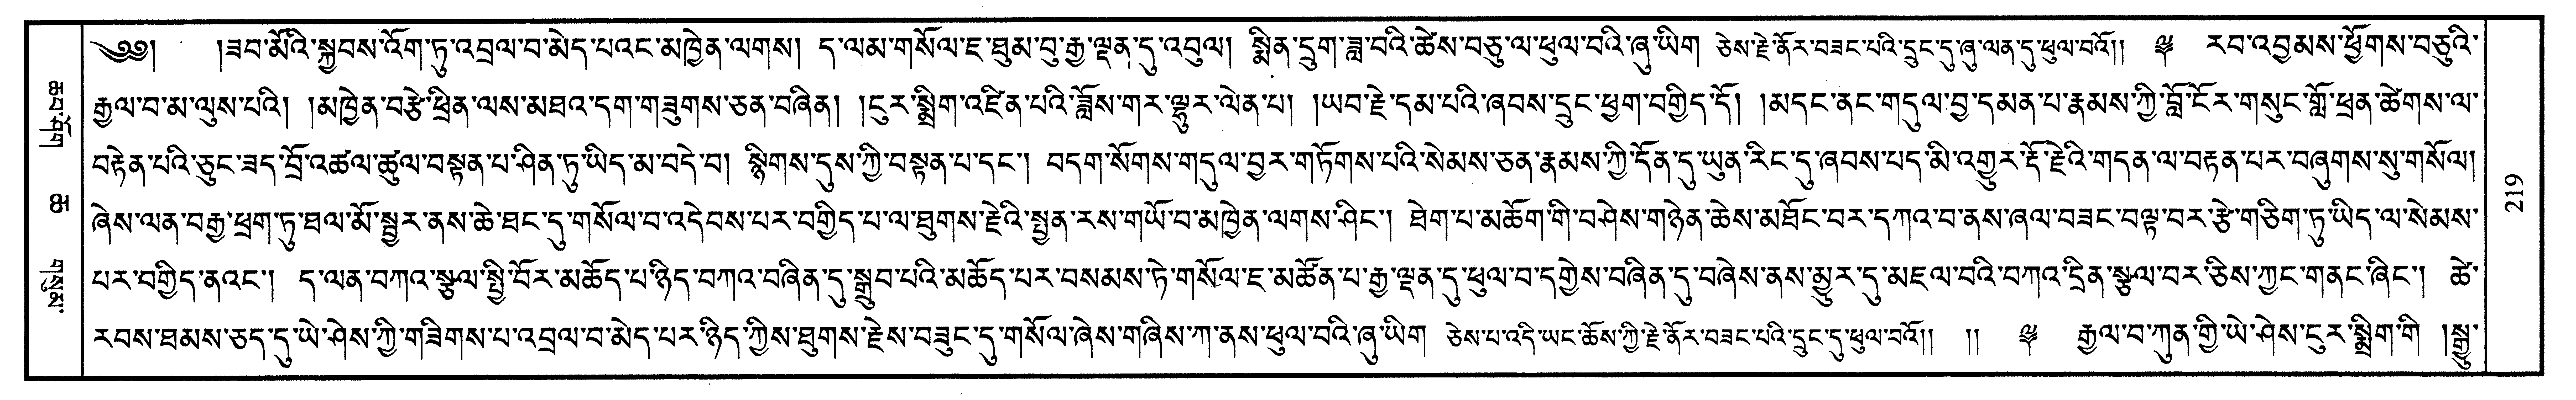༄༅། །ཟབ་མོའི་སྐྱབས་འོག་ཏུ་འབྲལ་བ་མེད་པའང་མཁྱེན་ལགས། ད་ལམ་གསོལ་ཇ་ཐུམ་བུ་རྒྱ་ལྡན་དུ་འབུལ། སྨིན་དྲུག་ཟླ་བའི་ཚེས་བཅུ་ལ་ཕུལ་བའི་ཞུ་ཡིག་ཅེས་རྗེ་ནོར་བཟང་པའི་དྲུང་དུ་ཞུ་ལན་དུ་ཕུལ་བའོ།། ༈ རབ་འབྱམས་ཕྱོགས་བཅུའི་
རྒྱལ་བ་མ་ལུས་པའི། །མཁྱེན་བརྩེ་ཕྲིན་ལས་མཐའ་དག་གཟུགས་ཅན་བཞིན། །ངུར་སྨྲིག་འཛིན་པའི་ཟློས་གར་ལྷུར་ལེན་པ། །ཡབ་རྗེ་དམ་པའི་ཞབས་དྲུང་ཕྱག་བགྱིད་དོ། །མདང་ནང་གདུལ་བྱ་དམན་པ་རྣམས་ཀྱི་བློ་ངོར་གསུང་གློ་ཕྲན་ཚེགས་ལ་
བརྟེན་པའི་ཅུང་ཟད་བྲོ་འཚལ་ཚུལ་བསྟན་པ་ཤིན་ཏུ་ཡིད་མ་བདེ་བ། སྙིགས་དུས་ཀྱི་བསྟན་པ་དང་། བདག་སོགས་གདུལ་བྱར་གཏོགས་པའི་སེམས་ཅན་རྣམས་ཀྱི་དོན་དུ་ཡུན་རིང་དུ་ཞབས་པད་མི་འགྱུར་རྡོ་རྗེའི་གདན་ལ་བརྟན་པར་བཞུགས་སུ་གསོལ།
ཞེས་ལན་བརྒྱ་ཕྲག་ཏུ་ཐལ་མོ་སྦྱར་ནས་ཆེ་ཐང་དུ་གསོལ་བ་འདེབས་པར་བགྱིད་པ་ལ་ཐུགས་རྗེའི་སྤྱན་རས་གཡོ་བ་མཁྱེན་ལགས་ཤིང་། ཐེག་པ་མཆོག་གི་བཤེས་གཉེན་ཆེས་མཐོང་བར་དཀའ་བ་ནས་ཞལ་བཟང་བལྟ་བར་རྩེ་གཅིག་ཏུ་ཡིད་ལ་སེམས་
པར་བགྱིད་ནའང་། ད་ལན་བཀའ་སྩལ་སྤྱི་བོར་མཆོད་པ་ཉིད་བཀའ་བཞིན་དུ་སྒྲུབ་པའི་མཆོད་པར་བསམས་ཏེ་གསོལ་ཇ་མཚོན་པ་རྒྱ་ལྡན་དུ་ཕུལ་བ་དགྱེས་བཞིན་དུ་བཞེས་ནས་མྱུར་དུ་མཇལ་བའི་བཀའ་དྲིན་སྩལ་བར་ཅིས་ཀྱང་གནང་ཞིང་། ཚེ་
རབས་ཐམས་ཅད་དུ་ཡེ་ཤེས་ཀྱི་གཟིགས་པ་འབྲལ་བ་མེད་པར་ཉིད་ཀྱིས་ཐུགས་རྗེས་བཟུང་དུ་གསོལ་ཞེས་གཞིས་ཀ་ནས་ཕུལ་བའི་ཞུ་ཡིག་ཅེས་པ་འདི་ཡང་ཆོས་ཀྱི་རྗེ་ནོར་བཟང་པའི་དྲུང་དུ་ཕུལ་བའོ།། །། ༈ རྒྱལ་བ་ཀུན་གྱི་ཡེ་ཤེས་ངུར་སྨྲིག་གི །སྒྱུ་